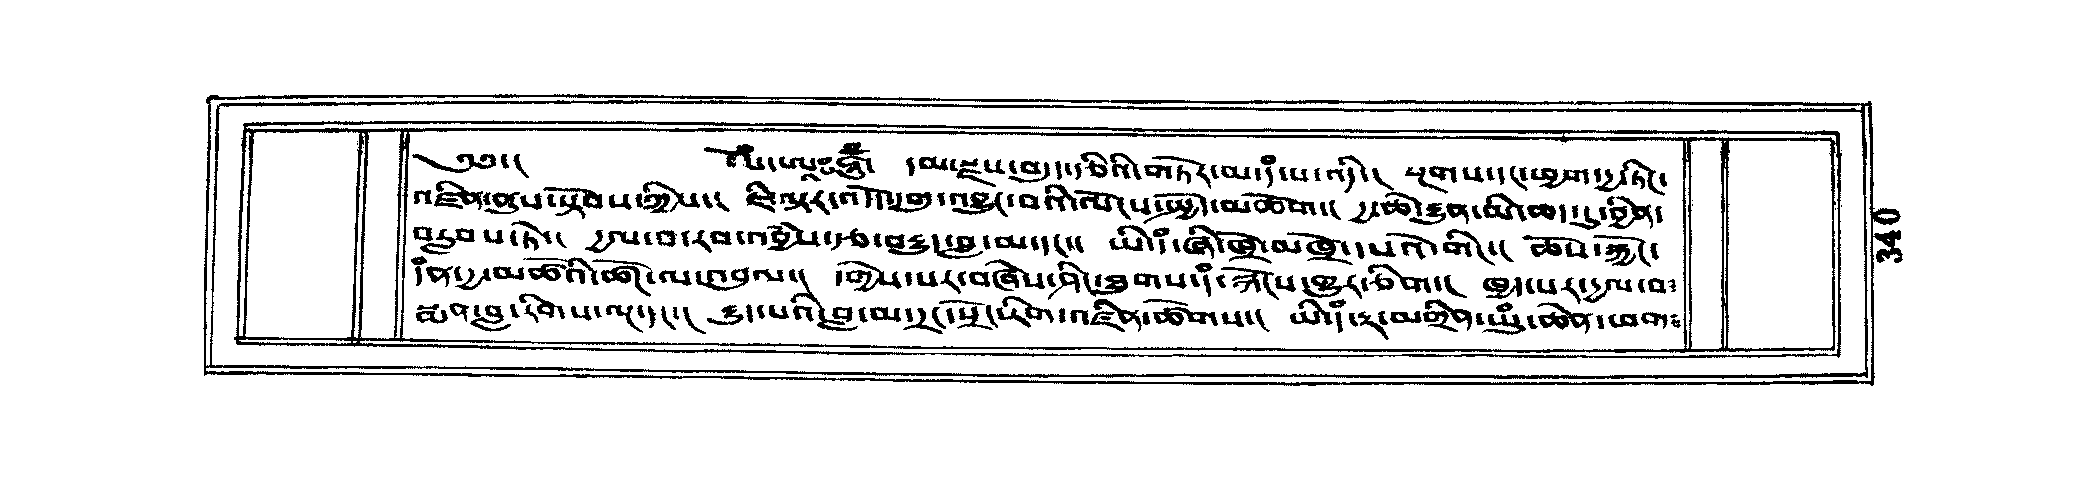ཨོྂ་ཨཱཿཧཱུྂ། དམ་རྫས་བདུད་རྩི་གཏོར་མ་དམ་པ་འདི། །སྔགས་དང་ཕྱག་རྒྱ་ཏིང་
འཛིན་ནུས་སྟོབས་ཀྱིས། །ཇི་ལྟར་འདོད་དགུ་འབྱུང་བའི་ལོངས་སྤྱོད་མཆོག་།རྒྱ་ཆེ་རྒྱུན་མི་ཆད་དུ་བྱིན་
རླབས་ཏེ། །རྒྱལ་བ་རབ་འབྱམས་རྩ་རྒྱུད་བླ་མ་དང་། །ཡི་དམ་ཞི་ཁྲོ་མཁའ་འགྲོ་དཔའ་བོ་གིང་། །ཆོས་སྐྱོང་
དམ་ཅན་རྒྱ་མཚོའི་ཚོགས་ལ་འབུལ། །དགྱེས་པར་བཞེས་ཤིང་ཐུགས་དམ་སྐོངས་གྱུར་ཅིག་།ཁྱད་པར་རྒྱལ་བ་
སྨན་བླ་རིགས་ལྔ་དང་། །རྒྱུད་པའི་བླ་མ་དྲང་སྲོང་རིག་འཛིན་ཚོགས། །ཡི་དམ་རྟ་མགྲིན་ཡུམ་ཆེན་ཕག་